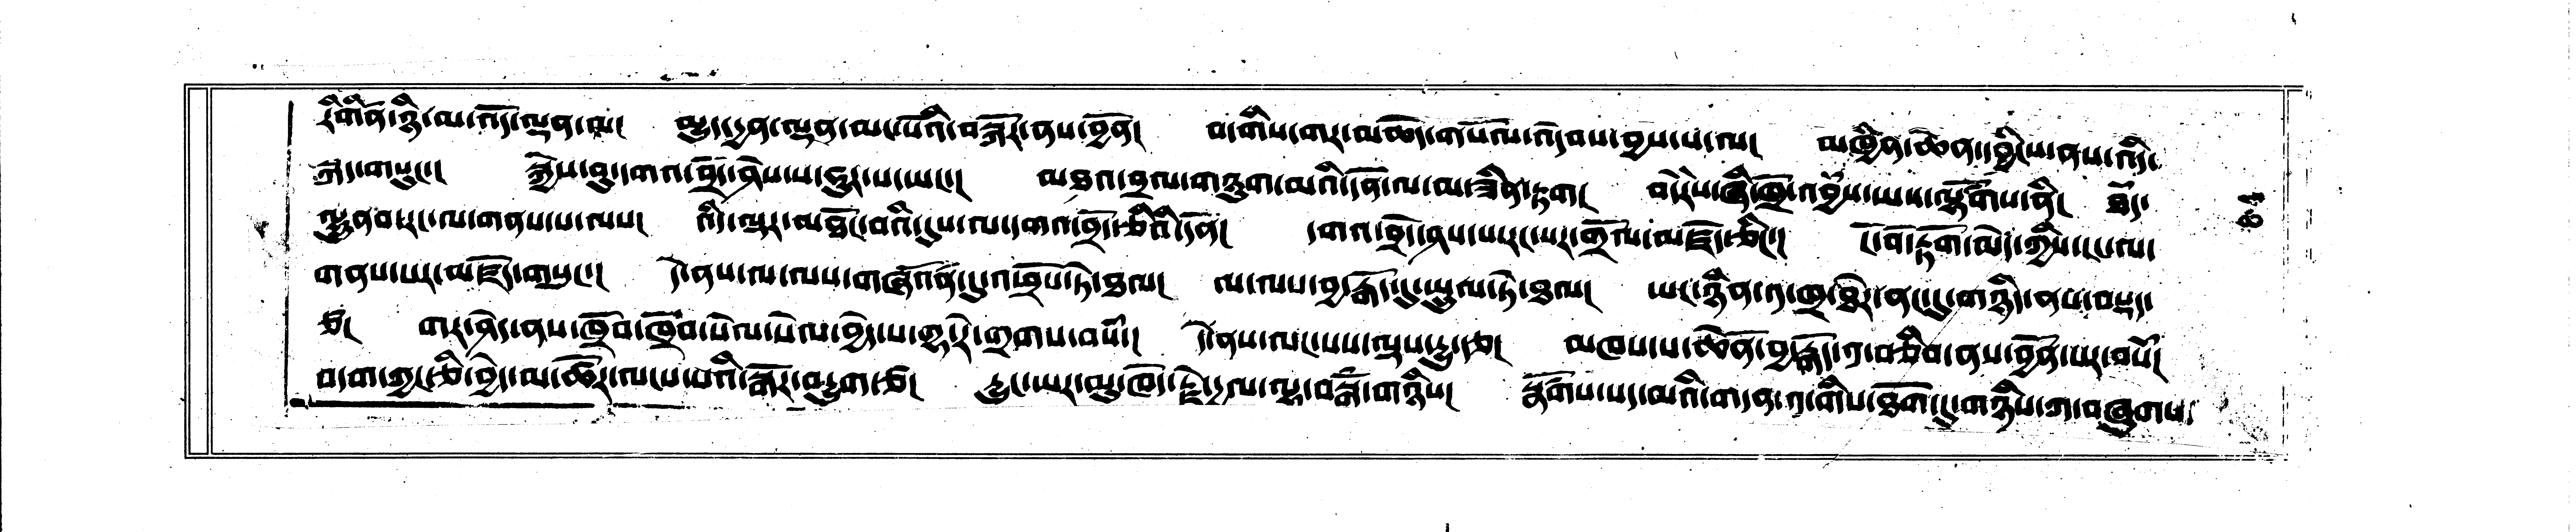རིག་འཛིན་ཉི་མ་འོད་ལྡན་ལ། མ་རྒྱུད་རྒྱན་ལྡན་མང་པོའི་བསྐོར་ནས་བྱོན། བདག་གིས་གར་མཆོད་གསོལ་འདེབས་བྱས་པ་ལ། མཁྱེན་ཆེན་དབྱིངས་ནས་འདི་
སྐད་གསུང་། སྐྱེས་བུ་དགའ་བྲོད་ཤེས་པ་ཧུར་པ་ཡང་། མཐའ་བྲལ་གཉུག་མའི་དོན་ལ་མ་ཟིན་རྟགས། བདེར་གཤེགས་ཞི་ཁྲོ་འབྱམས་ཡས་ལྷ་ཚོགས་ནི། ཐམས་
ལྷུན་གྲུབ་རང་ལ་གནས་པ་ལས། འདི་ལྟར་མཐོང་བའི་དུས་ལ་དགའ་བྲོད་ཅིའི་དོན། དགའ་བྲོད་ཤེས་པ་རང་སར་གྲོལ་མཛོད་ཅིང་། ངོ་བོ་རྟོག་མེད་ཀྱི་ངང་ལ་
གནས་པར་མཛོད་གསུང་། དེ་ནས་ལ་ལས་གཞའ་ཚོན་དུ་འཕྲོས་ཏེ་ཐལ། ལ་ལས་བྱ་རྒོད་དུ་སྤྲུལ་ཏེ་ཐལ། ཡང་ཉིན་གཅིག་ཁྲ་ཐེར་ནང་དུ་གཉིད་ནས་བསྡད་
ཙ། གར་ཤེད་ནས་ཁྲོབ་ཁྲོབ་སེལ་སེལ་བྱེད་པ་གྷ་རེ་གྲགས་བསམ། དེ་ནས་ལང་པས་ལྟས་རྒྱུ་རྩ། མཁས་པ་ཆེན་པོ་བྱ་རྒོད་ཅིག་བཅིབས་ནས་བྱོན་པར་བསམ། 
བདག་ཀྱང་ཅི་བྱེད་མ་ཚོར་ལངས་པའི་སྒོར་བརྒྱུག་ཙ། རྒྱུང་ཡར་མུ་ཁོད་རྗེ་རྒྱལ་ལྷ་སྒོམ་གཉིས། སྣ་ཚོགས་པད་མའི་གདན་གཅིག་གིས་ཐོག་ཏུ་གཉིས་ཀ་བཞུགས་